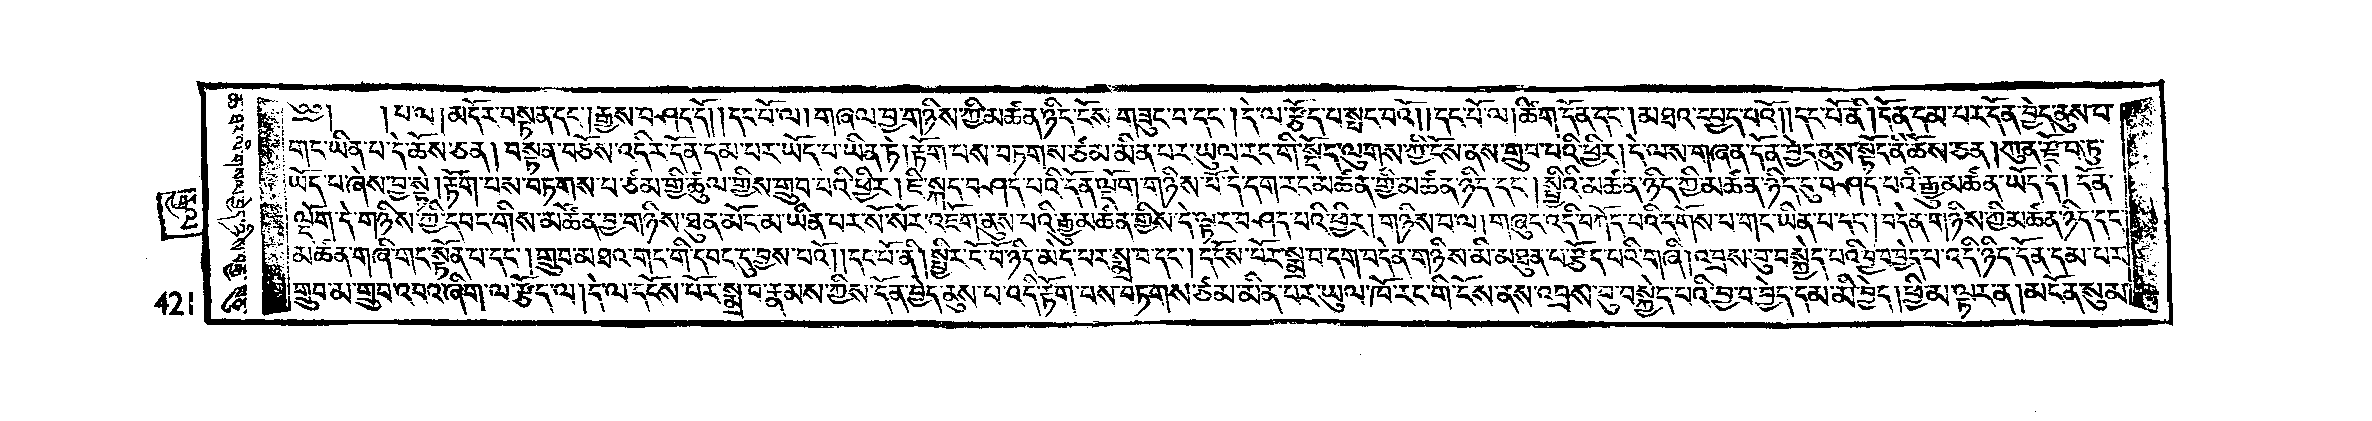༄༅། །པ་ལ། མདོར་བསྟན་དང་། རྒྱས་བཤད་དོ། །དང་པོ་ལ། གཞལ་བྱ་གཉིས་ཀྱི་མཚན་ཉིད་ངོས་གཟུང་བ་དང་། དེ་ལ་རྩོད་པ་སྤང་བའོ། །དང་པོ་ལ། ཚིག་དོན་དང་། མཐའ་དཔྱད་པའོ། །དང་པོ་ནི། དོན་དམ་པར་དོན་བྱེད་ནུས་པ་
གང་ཡིན་པ་དེ་ཆོས་ཅན། བསྟན་བཅོས་འདིར་དོན་དམ་པར་ཡོད་པ་ཡིན་ཏེ། རྟོག་པས་བཏགས་ཙམ་མིན་པར་ཡུལ་རང་གི་སྡོད་ལུགས་ཀྱི་ངོས་ནས་གྲུབ་པའི་ཕྱིར། དེ་ལས་གཞན་དོན་བྱེད་ནུས་སྟོང་ནི་ཆོས་ཅན། ཀུན་རྫོབ་ཏུ་
ཡོད་པ་ཞེས་བྱ་སྟེ། རྟོག་པས་བཏགས་པ་ཙམ་གྱི་ཚུལ་གྱིས་གྲུབ་པའི་ཕྱིར། ཇི་སྐད་བཤད་པའི་དོན་ལྡོག་གཉིས་པོ་དེ་དག་རང་མཚན་གྱི་མཚན་ཉིད་དང་། སྤྱིའི་མཚན་ཉིད་ཀྱི་མཚན་ཉིད་དུ་བཤད་པའི་རྒྱུ་མཚན་ཡོད་དེ། དོན་
ལྡོག་དེ་གཉིས་ཀྱི་དབང་གིས་མཚོན་བྱ་གཉིས་ཐུན་མོང་མ་ཡིན་པར་སོ་སོར་འཇོག་ནུས་པའི་རྒྱུ་མཚན་གྱིས་དེ་ལྟར་བཤད་པའི་ཕྱིར། གཉིས་པ་ལ། གཞུང་འདི་བཀོད་པའི་དགོས་པ་གང་ཡིན་པ་དང་། བདེན་གཉིས་ཀྱི་མཚན་ཉིད་དང་
མཚན་གཞི་གང་སྟོན་པ་དང་། གྲུབ་མཐའ་གང་གི་དབང་དུ་བྱས་པའོ། །དང་པོ་ནི། སྤྱིར་ངོ་བོ་ཉིད་མེད་པར་སྨྲ་བ་དང་། དངོས་པོར་སྨྲ་བ་དག་བདེན་གཉིས་མི་མཐུན་པ་རྩོད་པའི་གཞི། འབྲས་བུ་བསྐྱེད་པའི་བྱ་བ་བྱེད་པ་འདི་ཉིད་དོན་དམ་པར་
གྲུབ་མ་གྲུབ་འབའ་ཞིག་ལ་རྩོད་ལ། དེ་ལ་དངོས་པོར་སྨྲ་བ་རྣམས་ཀྱིས་དོན་བྱེད་ནུས་པ་འདི་རྟོག་པས་བཏགས་ཙམ་མིན་པར་ཡུལ་ཁོ་རང་གི་ངོས་ནས་འབྲས་བུ་བསྐྱེད་པའི་བྱ་བ་བྱེད་དམ་མི་བྱེད། ཕྱི་མ་ལྟར་ན། མངོན་སུམ་